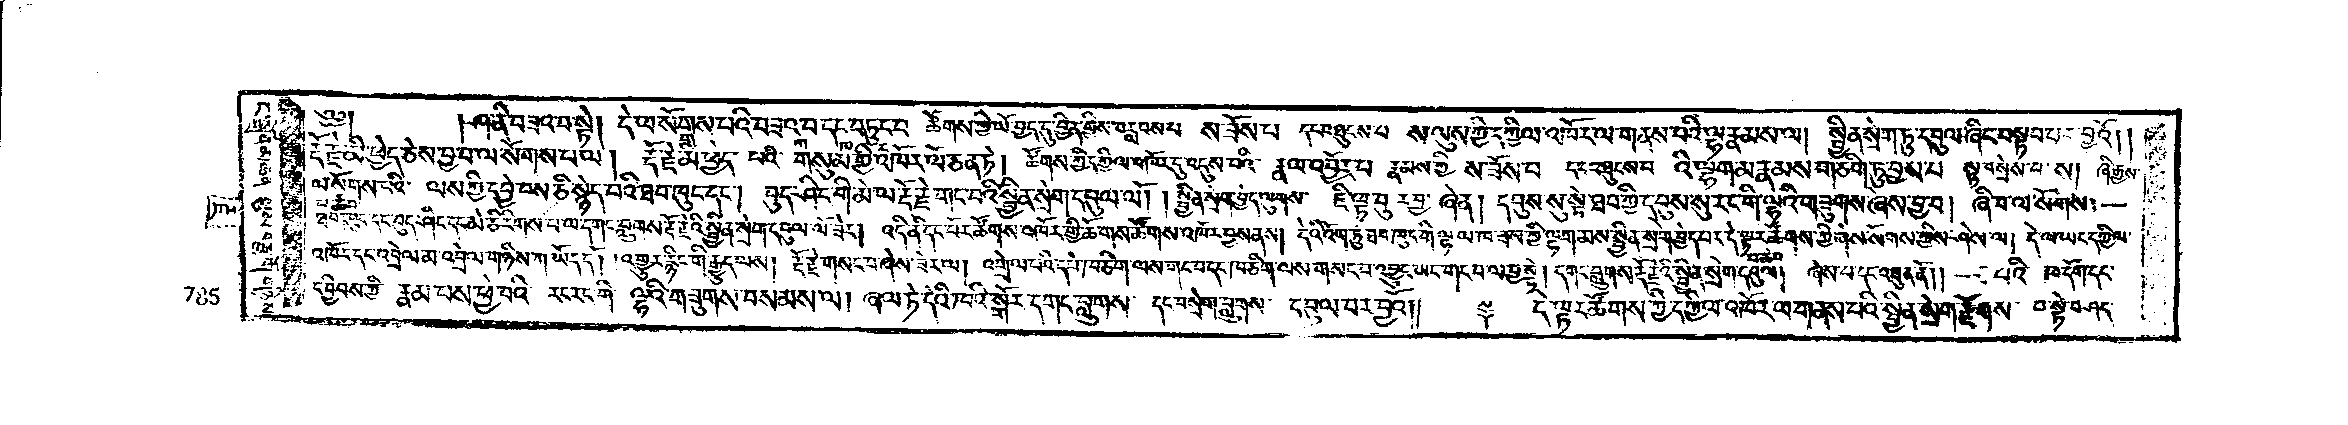༄༅། །ཤ་ནི་བཟའ་བ་སྟེ། དེ་ལ་སོགས་པའི་བཟའ་བ་དང་བཏུང་བ་ཚོགས་ཀྱི་ཡོ་བྱད་དུ་བྱིན་གྱིས་བརླབས་པ་ས་ཟོས་པ་དང་འཐུངས་པས་ལུས་ཀྱི་དཀྱིལ་འཁོར་ལ་གནས་པའི་ལྷ་རྣམས་ལ། སྦྱིན་སྲེག་ཏུ་དབུལ་ཞིང་བསྟབ་པར་བྱའོ།།
རྡོ་རྗེ་མི་ཕྱེད་ཅེས་བྱ་བ་ལ་སོགས་པ་ལ། རྡོ་རྗེ་ག་མི་ཕྱེད་པའི་ཀ་གསུམ་ཁ་གྱི་ང་འཁོར་ལོ་ཅན་ཏེ། ཚོགས་ཀྱི་དཀྱིལ་འཁོར་དུ་འདུས་པའི་རྣལ་འབྱོར་པ་རྣམས་ཀྱིས་ཟོས་པ་དང་འཐུངས་པའི་ལྷག་མ་རྣམས་གཅིག་ཏུ་བྱས་པ་སྟ་བསྲེས་པ་ས། ཞི་རྒྱས་
ལ་སོགས་པའི་ལས་ཀྱི་དབྱེ་བས་ཅི་སྙེད་པའི་ཐབ་ཁུང་དང་། བུད་ཤིང་གི་མེ་ལ་རྡོ་རྗེ་གང་བའི་སྦྱིན་སྲེག་དབུལ་ལོ། ། སྦྱིན་སྲེག་བྱེད་ལུགས་ཇི་ལྟ་བུར་བྱ་ཞེ་ན། དབུས་སུ་སྟེ་ཐབ་ཀྱི་དབུས་སུ་རང་གི་ལྷའི་གཟུགས་ཞེས་བྱ་བ། ཞེ་བ་ལ་སོགས་H.
པ་ཚབ་ཐབ་ཁུང་དང་བུད་ཤིང་དང་མེ་ཅི་རིགས་པ་ལ་དགང་བླུགས་རྡོ་རྗེའི་སྦྱིན་སྲེག་དབུལ་ལོ་ཟེར། འདི་ནི་དང་པོར་ཚོགས་འཁོར་གྱི་ཚོགས་ཚོགས་འཁོར་བྱས་ནས། དེའི་འོག་ཏུ་ཐབ་ཁུང་གི་ལྷ་ལ་ཁ་ཟས་ཀྱི་ལྷག་མས་སྦྱིན་སྲོག་བྱེད་པར་དེ་ལྟར་ཚོགས་ཀྱི་ཞེས་སོགས་ཀྱིས་ཤེས་ལ། དེ་ལ་ཡང་དཀྱིལ་
འཁོར་དང་འབྲེལ་མ་འབྲེལ་གཉིས་ཀ་ཡོད་དོ། །འགྱུར་རྙིང་གི་རྒྱུད་ལས། རྡོ་རྗེ་གསང་བ་ཞེས་ཟེར་ལ། འགྲེལ་པའི་དཔེ་ཁ་ཅིག་ལས་གང་བ་དང་ཁ་ཅིག་ལས་གསང་བ་འབྱུང་ཡང་གང་བ་ལ་བྱ་སྟེ། དགང་བླུགས་རྡོ་རྗེའི་སྦྱིན་སྲོག་དབུལ། ཞེས་པ་དང་འཐུན་ནོ།། .H པའི་ཁ་དོག་དང་
དབྱིབས་ཀྱི་རྣམ་པས་ཕྱེ་བའི་རང་རང་གི་ལྷའི་གཟུགས་བསམས་ལ། ཞལ་ཏེ་དེའི་ཁའི་སྒོར་དགང་བླུགས་དང་བསྲེག་བླུགས་དབུལ་བར་བྱའོ།། ༈ དེ་ལྟར་ཚོགས་ཀྱི་དཀྱིལ་འཁོར་ལ་གནས་པའི་སྦྱིན་སྲེག་རྫོགས་པ་སྟེ་བཤད་